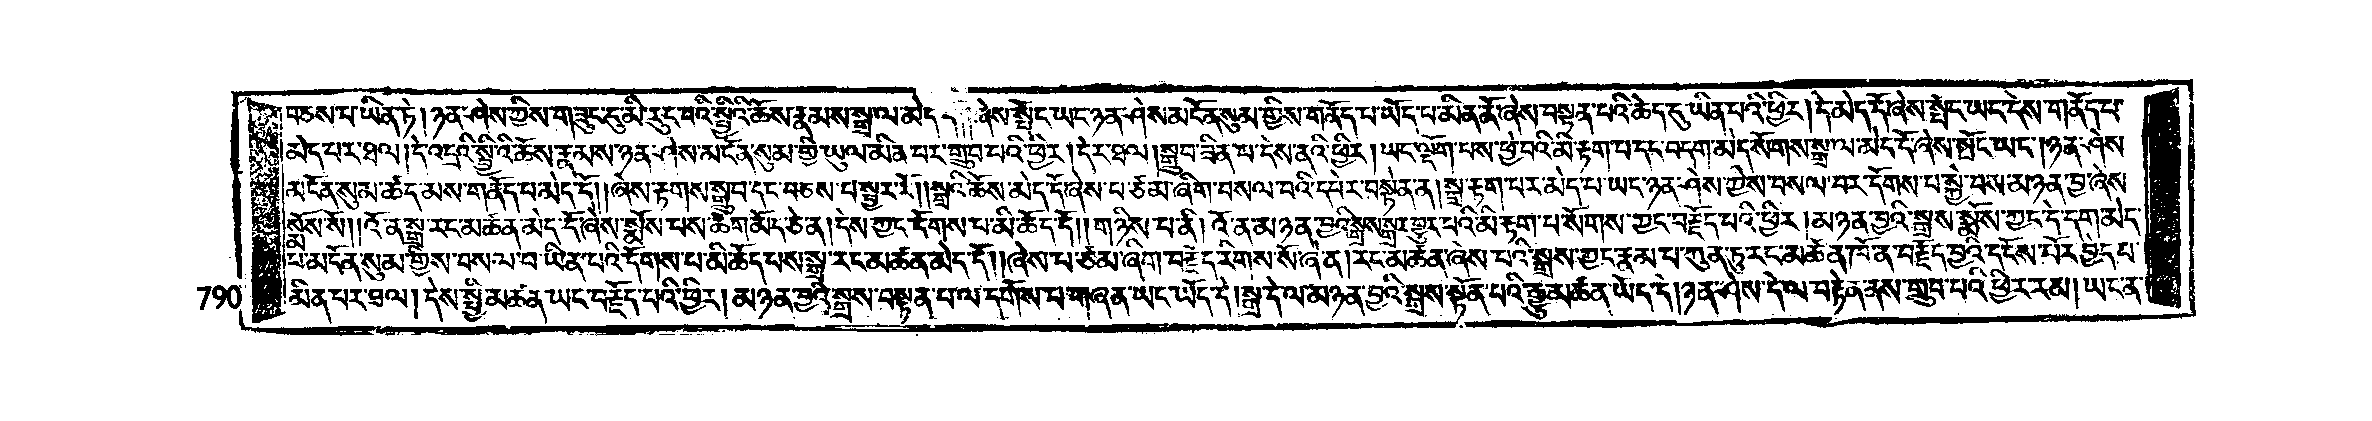བཅས་པ་ཡིན་ཏེ། ཉན་ཤེས་ཀྱིས་གཟུང་དུ་མི་རུང་བའི་སྤྱིའི་ཆོས་རྣམས་སྒྲ་ལ་མེད་དོ། །ཞེས་སྤོང་ཡང་ཉན་ཤེས་མངོན་སུམ་གྱིས་གནོད་པ་ཡོད་པ་མིན་ནོ་ཞེས་བསྟན་པའི་ཆེད་དུ་ཡིན་པའི་ཕྱིར། དེ་མེད་དོ་ཞེས་སྤོང་ཡང་དེས་གནོད་པ་
མེད་པར་ཐལ། དེ་འདྲའི་སྤྱིའི་ཆོས་རྣམས་ཉན་ཤེས་མངོན་སུམ་གྱི་ཡུལ་མིན་པར་གྲུབ་པའི་ཕྱིར། དེར་ཐལ། སྒྲུབ་ཟིན་པ་དེས་ནའི་ཕྱིར། ཡང་ལྡོག་པས་ཕྱེ་བའི་མི་རྟག་པ་དང་བདག་མེད་སོགས་སྒྲ་ལ་མེད་དོ་ཞེས་སྤོང་ཡང་། ཉན་ཤེས་
མངོན་སུམ་ཚད་མས་གནོད་པ་མེད་དོ། །ཞེས་རྟགས་སྒྲུབ་དང་བཅས་པ་སྦྱར་རོ། །སྒྲའི་ཆོས་མེད་དོ་ཞེས་པ་ཙམ་ཞིག་བསལ་བའི་དཔེར་བསྟེན་ན། སྒྲ་རྟག་པར་མེད་པ་ཡང་ཉན་ཤེས་ཀྱིས་བསལ་བར་དོགས་པ་སྐྱེ་བས་མཉན་བྱ་ཞེས་
སྨོས་སོ། །འོ་ན་སྒྲ་རང་མཚན་མེད་དོ་ཞེས་སྨོས་པས་ཚིག་མོད་ཅེ་ན། དེས་ཀྱང་དོགས་པ་མི་ཆོད་དོ། །གཉིས་པ་ནི། འོ་ན་མཉན་བྱའི་སྒྲས་སྒྲར་གྱུར་པའི་མི་རྟག་པ་སོགས་ཀྱང་བརྗོད་པའི་ཕྱིར། མཉན་བྱའི་སྒྲས་སྨོས་ཀྱང་དེ་དག་མེ་
པ་མངོན་སུམ་གྱིས་བསལ་བ་ཡིན་པའི་དོགས་པ་མི་ཆོད་པས་སྒྲ་རང་མཚན་མེད་དོ། །ཞེས་པ་ཙམ་ཞིག་བརྗོད་རིགས་སོ་ཞེ་ན། རང་མཚན་ཞེས་པའི་སྒྲས་ཀྱང་རྣམ་པ་ཀུན་ཏུ་རང་མཚན་ཁོ་ན་བརྗོད་བྱའི་དངོས་པོར་བྱེད་པ་
མིན་པར་ཐལ། དེས་སྤྱི་མཚན་ཡང་བརྗོད་པའི་ཕྱིར། མཉན་བྱའི་སྒྲས་བསྟན་པ་ལ་དགོས་པ་གཞན་ཡང་ཡོད་དེ། སྒྲ་དེ་ལ་མཉན་བྱའི་སྒྲས་སྟོན་པའི་རྒྱུ་མཚན་ཡོད་དེ། ཉན་ཤེས་དེ་ལ་བརྟེན་ནས་གྲུབ་པའི་ཕྱིར་རམ། ཡང་ན་